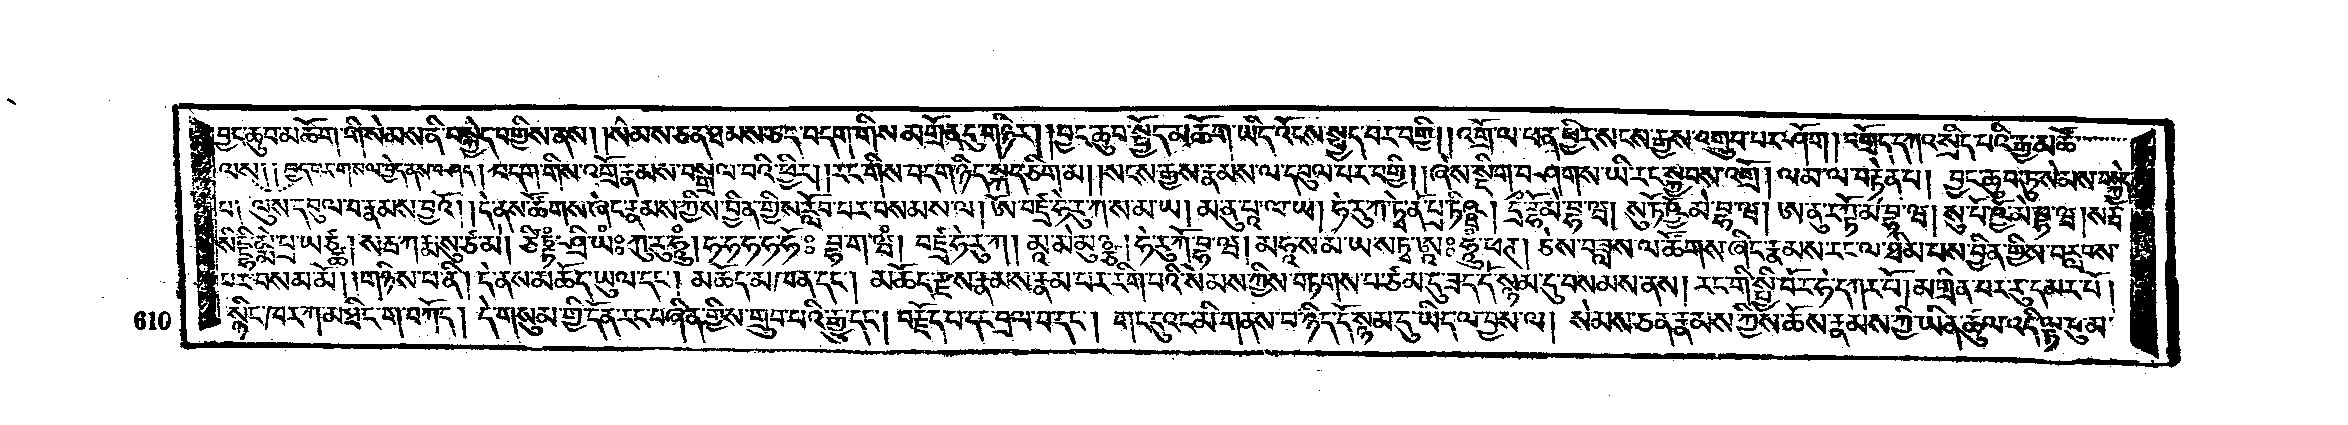བྱང་ཆུབ་མཆོག་གི་སེམས་ནི་བསྐྱེད་བགྱིས་ནས། །སེམས་ཅན་ཐམས་ཅད་བདག་གིས་མགྲོན་དུ་གཉིར། །བྱང་ཆུབ་སྤྱོད་མཆོག་ཡིད་འོངས་སྤྱད་པར་བགྱི། །འགྲོ་ལ་ཕན་ཕྱིར་སངས་རྒྱས་འགྲུབ་པར་ཤོག །བགྲོད་དཀའ་སྲིད་པའི་རྒྱ་མཚོ་
ལས། ། ཁྱད་པར་གསལ་བྱེད་ནས་བཤད།  བདག་གིས་འགྲོ་རྣམས་བསྒྲལ་བའི་ཕྱིར། །རང་གིས་བདག་ཉིད་སྐད་ཅིག་མ། །སངས་རྒྱས་རྣམས་ལ་དབུལ་བར་བགྱི། །ཞེས་སྡིག་བཤགས་ཡི་རང་སྐྱབས་འགྲོ། ལམ་ལ་བརྟེན་པ། བྱང་ཆུབ་ཏུ་སེམས་བསྐྱེད་
པ། ལུས་དབུལ་བ་རྣམས་བྱའོ། །དེ་ནས་ཚོགས་ཞིང་རྣམས་ཀྱིས་བྱིན་གྱིས་རློབ་པར་བསམས་ལ། ཨོཾ་བཛྲ་ཧེ་རུ་ཀ་ས་མ་ཡ། མ་ནུ་པཱ་ལ་ཡ། ཧེ་རུ་ཀ་ཏྭེ་ནོ་པྲ་ཏིཥཊཿཨ། དྲྀ་ཌྷོ་མེ་བྷ་ཝ། སུ་ཏོ་ཥྱོ་མེ་བྷ་ཝ། ཨ་ནུ་རཀྟོ་མེ་བྷ་ཝ། སུ་པོ་ཥྱོ་མེ་བྷ་ཝ། སརྦ་
སིདྡྷི་མྨེ་པྲ་ཡ་ཙྪ། སརྦ་ཀརྨ་སུ་ཙ་མེ། ཙིཏྟཾ་ཤྲི་ཡཾཿ ཀུ་རུ་ཧཱུཾ། ཧ་ཧ་ཧ་ཧ་ཧོཿ བྷ་ག་ཝཾ། བཛྲ་ཧེ་རུ་ཀ། མཱ་མེ་མུཉྩ། ཧེ་རུ་ཀོ་བྷ་ཝ། མཧཱ་ས་མ་ཡ་སཏྭ་ཨཱཿ ཧཱུཾ་ཕཊ། ཅེས་བཟླས་ལ་ཚོགས་ཞིང་རྣམས་རང་ལ་ཐིམ་པས་བྱིན་གྱིས་བརླབས་
པར་བསམ་མོ། །གཉིས་པ་ནི། དེ་ནས་མཆོད་ཡུལ་དང་། མཆོད་མཁན་དང་། མཆོད་རྫས་རྣམས་རྣམ་པར་རིག་པའི་སེམས་ཀྱིས་བཏགས་པ་ཙམ་དུ་ཟད་དོ་སྙམ་དུ་བསམས་ནས། རང་གི་སྤྱི་བོར་ཧེ་དཀར་པོ། མགྲིན་པར་རུ་དམར་པོ།
སྙིང་ཁར་ཀ་མཐིང་ག་བཀོད། དེ་གསུམ་གྱི་དོན་རང་བཞིན་གྱིས་གྲུབ་པའི་རྒྱུ་དང་། བརྗོད་པ་དང་བྲལ་བ་དང་། གང་དུའང་མི་གནས་པ་ཉིད་དོ་སྙམ་དུ་ཡིད་ལ་བྱས་ལ། སེམས་ཅན་རྣམས་ཀྱིས་ཆོས་རྣམས་ཀྱི་ཡིན་ཚུལ་འདི་ལྟ་བུ་མ་